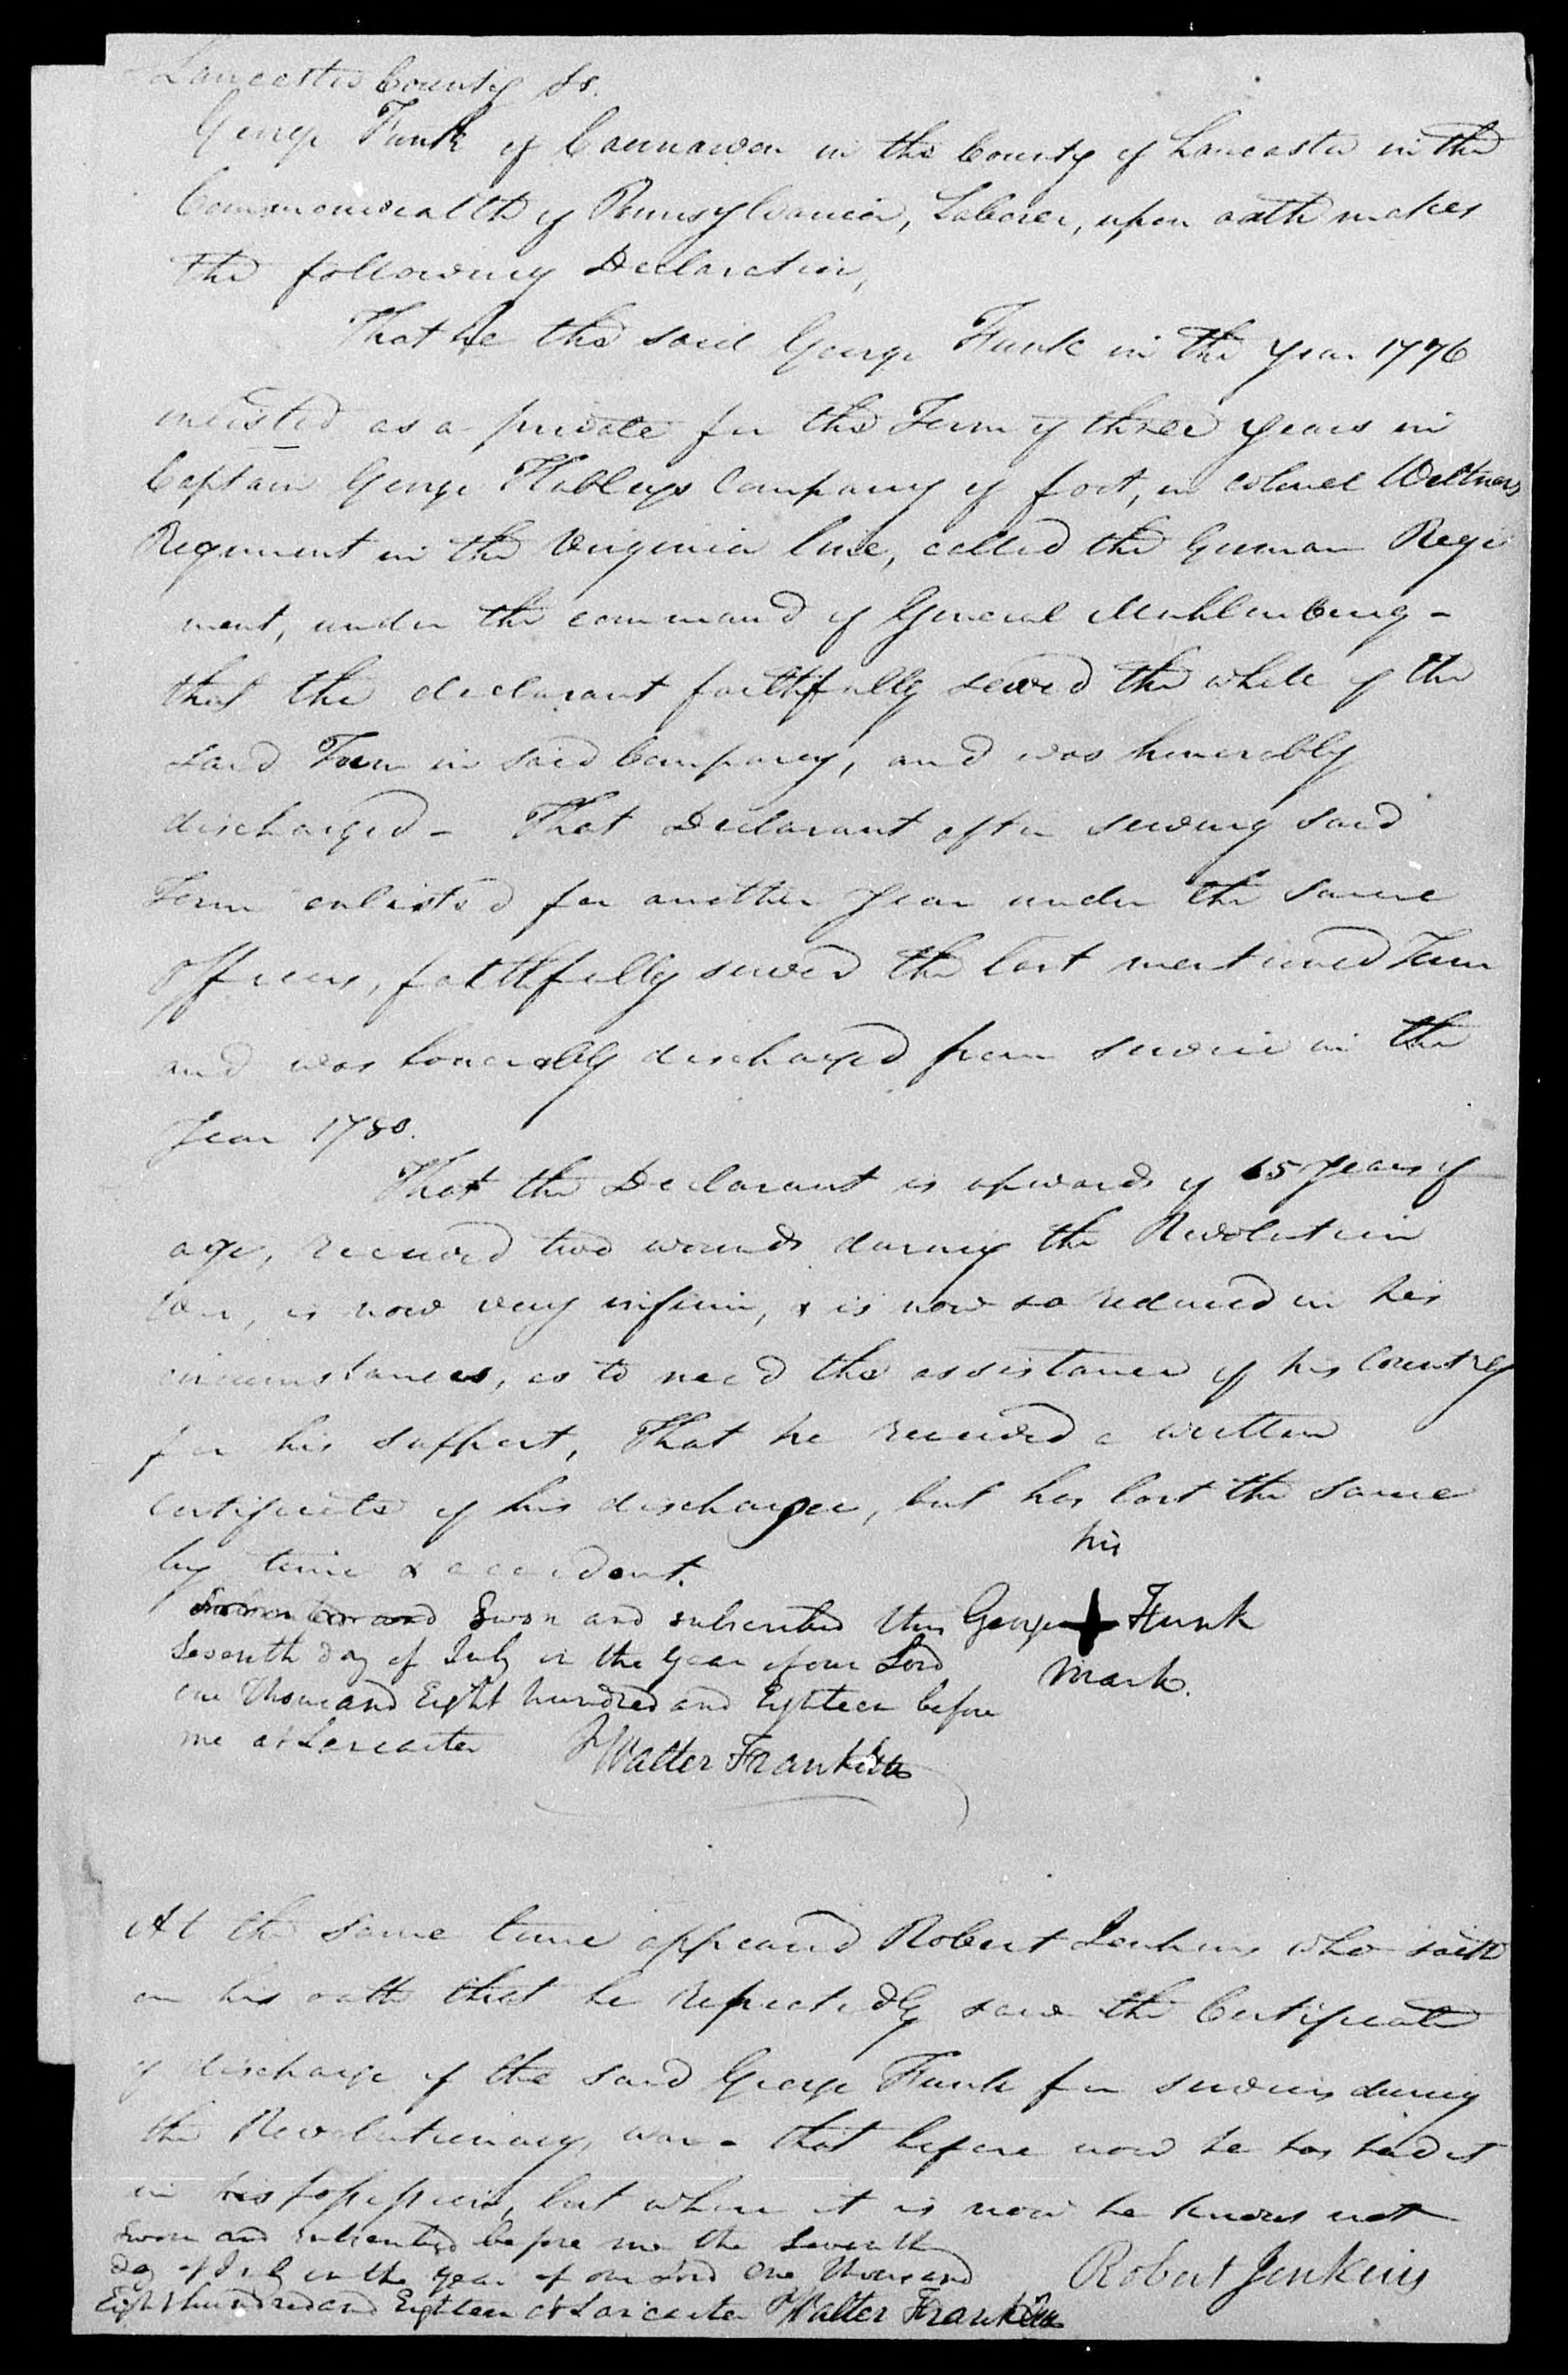Lancaster County, SS.
George Funk of Carnarvon in the County of Lancaster in the Commonwealth of Pennsylvania, Laborer, upon oath makes the following Declaration,
That he, the said George Funk, in the year 1776 enlisted as a private for the term of three years in Captain George Hubley's Company of fort, in Colonel Walthen's Regiment in the Virginia line, called the German Regiment, under the command of General Muhlenburg, that the declarant faithfully served the whole of the said tour in said Company, and was honorably discharged. That declarant, after serving said term, enlisted for another year under the same officers, faithfully served the last-mentioned tour and was honorably discharged from service in the year 1780.
That the Declarant is upwards of 65 years of age, received two wounds during the Revolution War, is now very infirm and is now so reduced in his circumstances, as to need the assistance of his country for his support. That he received a written certificate of his discharge but has lost the same by time and accident.
George Funk [his mark]
Sworn and subscribed this Seventh day of July in the year of our Lord
one thousand Eight hundred and eighteen before me at Lancaster.
Walter Franklin
At the same time appeared Robert Jenkins who saith on his oath that he repeatedly saw the Certificate of discharge of the said George Funk for services during the Revolutionary war, that before now he has had it in his possession, but where it is now, he knows not.
Robert Jenkins
Sworn and subscribed before me the Seventh day of July in the year of one Lord one thousand Eight hundred and Eighteen at Lancaster.
Walter Franklin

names: George Funk, George Funk, Walter Franklin, Muhlenburg, Walter Franklin, Robert Jenkins, George Funk, Robert Jenkins, George Funk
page: 8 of 11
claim: survivor's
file: S. 41553, George Funk, Continental (German Regiment)